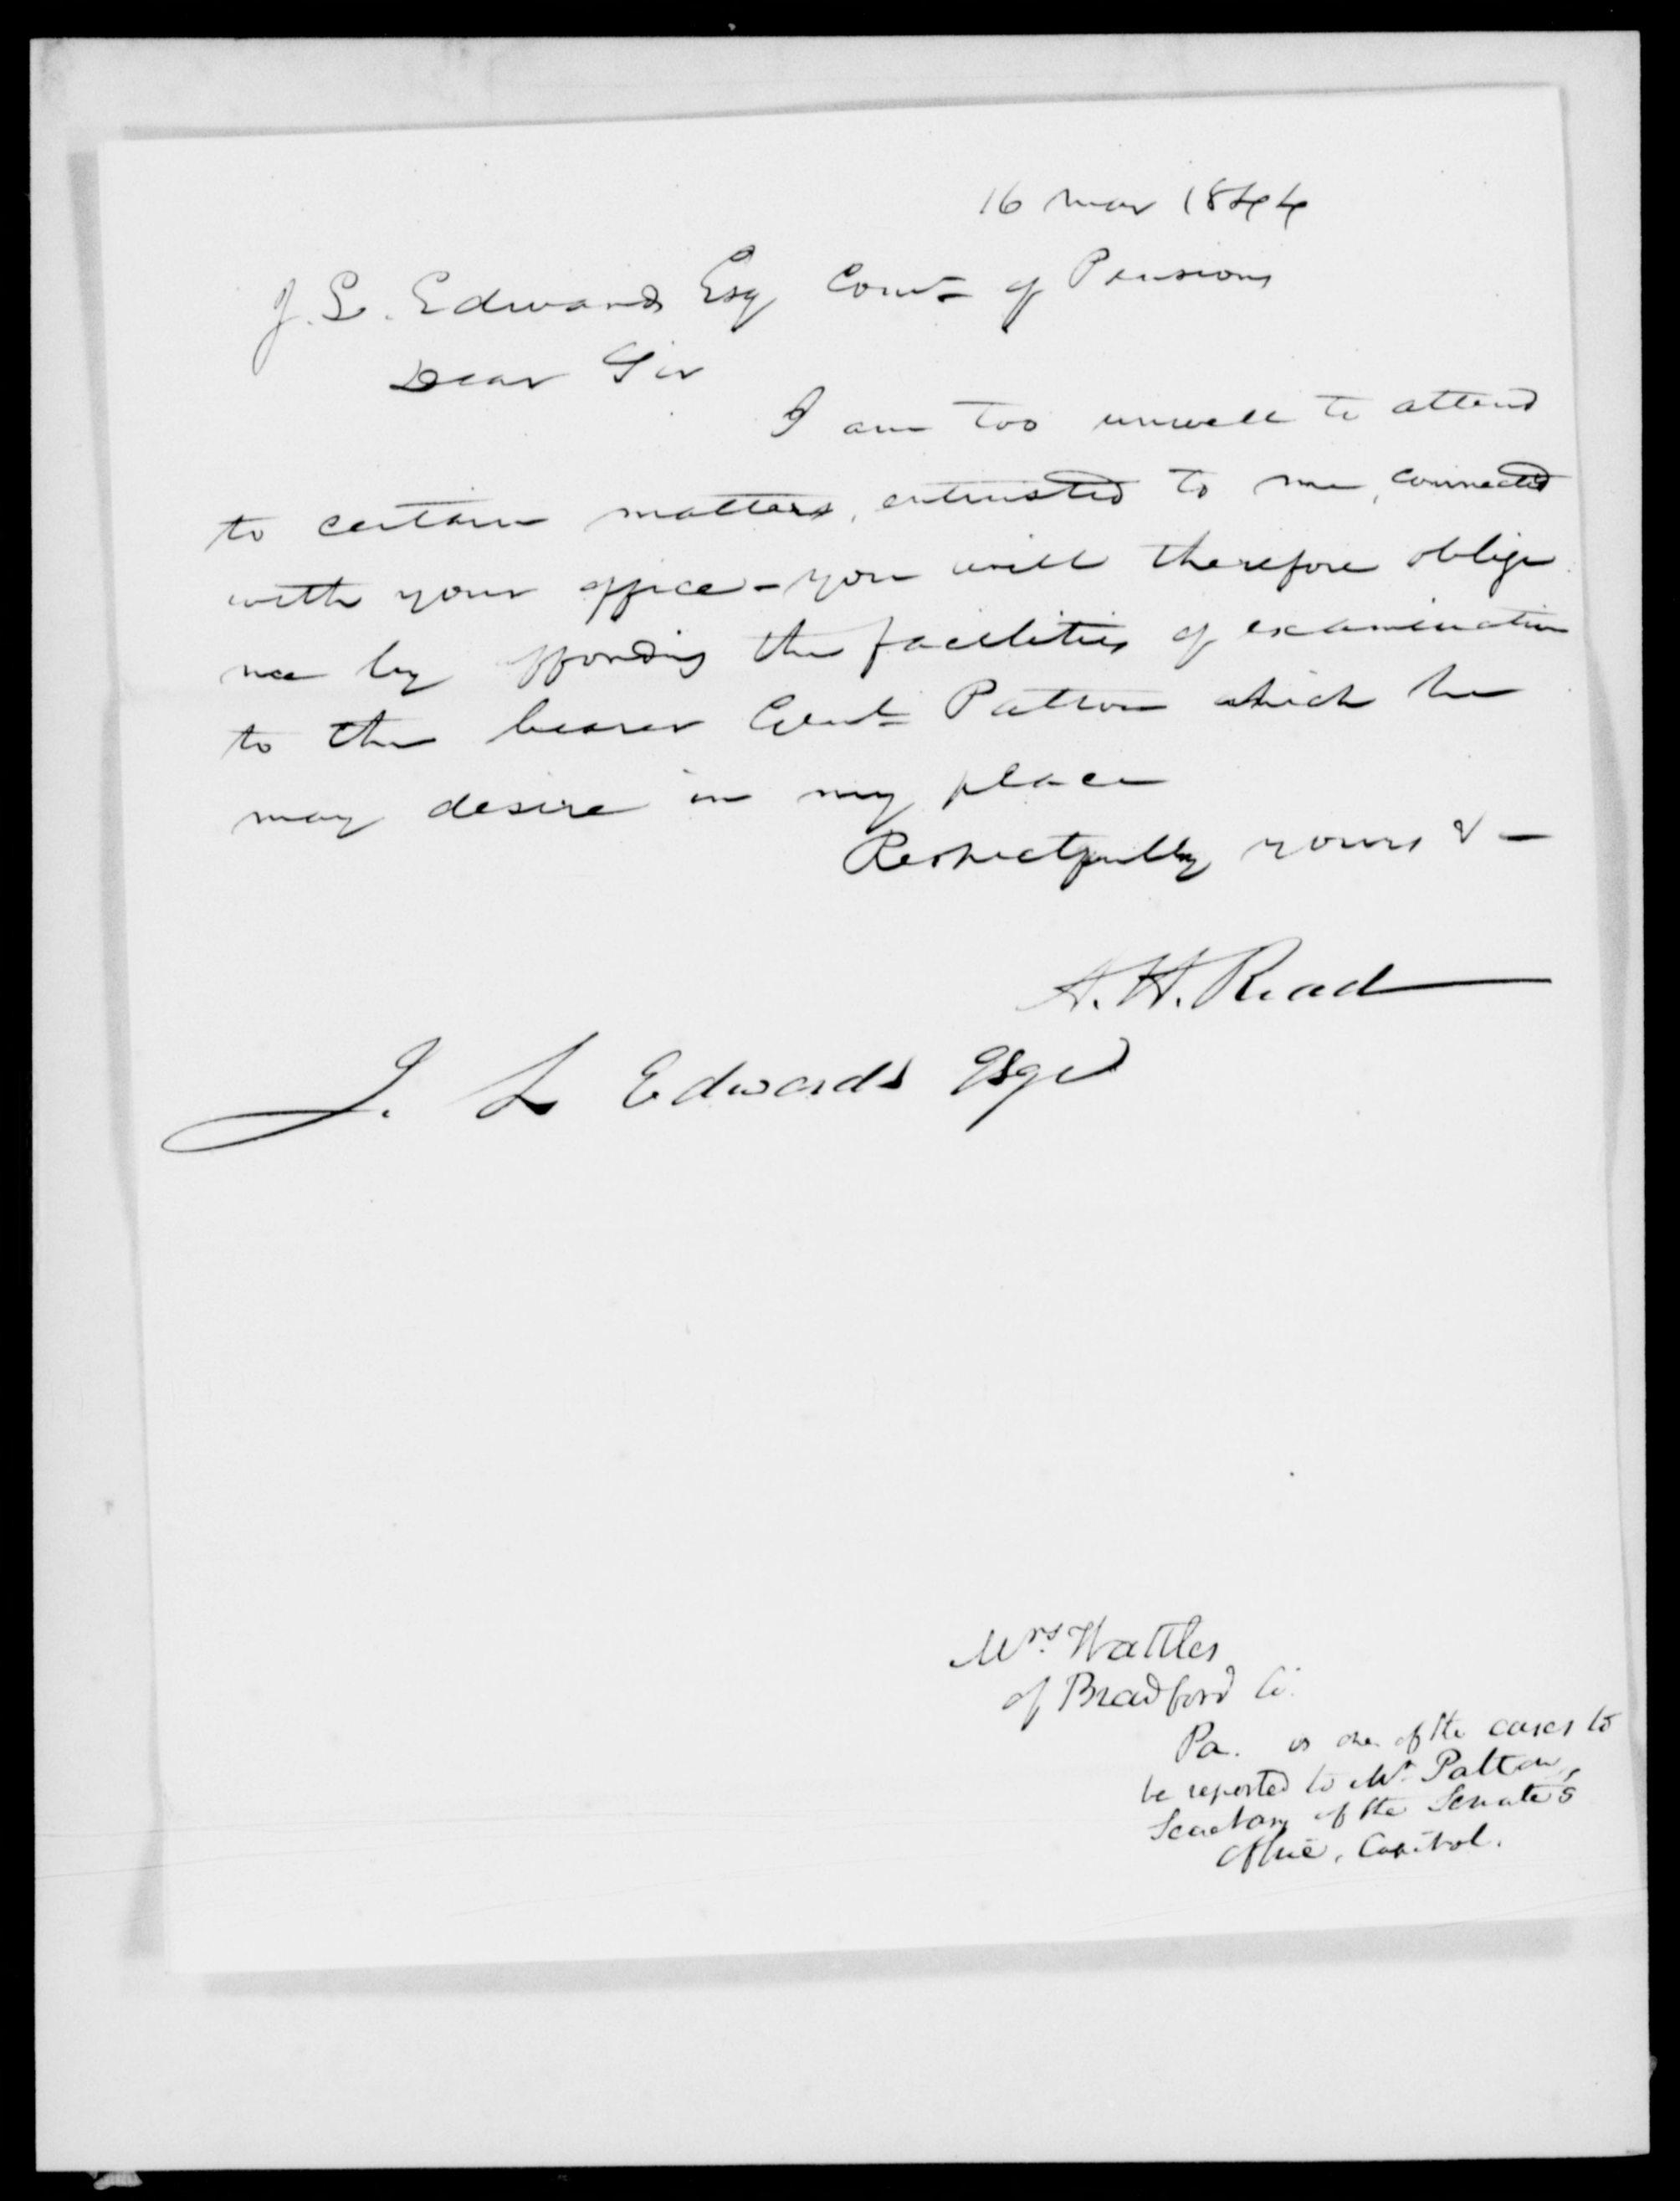16 Mar 1844

J. L Edwards Esq. Comm. of Pensions

Dear Sir,

I am too unwell to attend to certain matters entrusted to me connected with your office. You will therefore oblige me by [    ] the facilities of examination to the bearer [    ] Patton which he may desire in my place .
Respectfully yours
A. H. Read

J. L. Edwards  Esq.

Mrs. Wattles
of Bradford  [   ]
Pa.  is one of the cases to be reported to W. Palton, Secretary of the Senate's office, Capitol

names: Wattles, J L Edwards, A H Read, Patton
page: 43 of 70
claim: widow's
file: W. 3743, Dan Wattles, Conn.